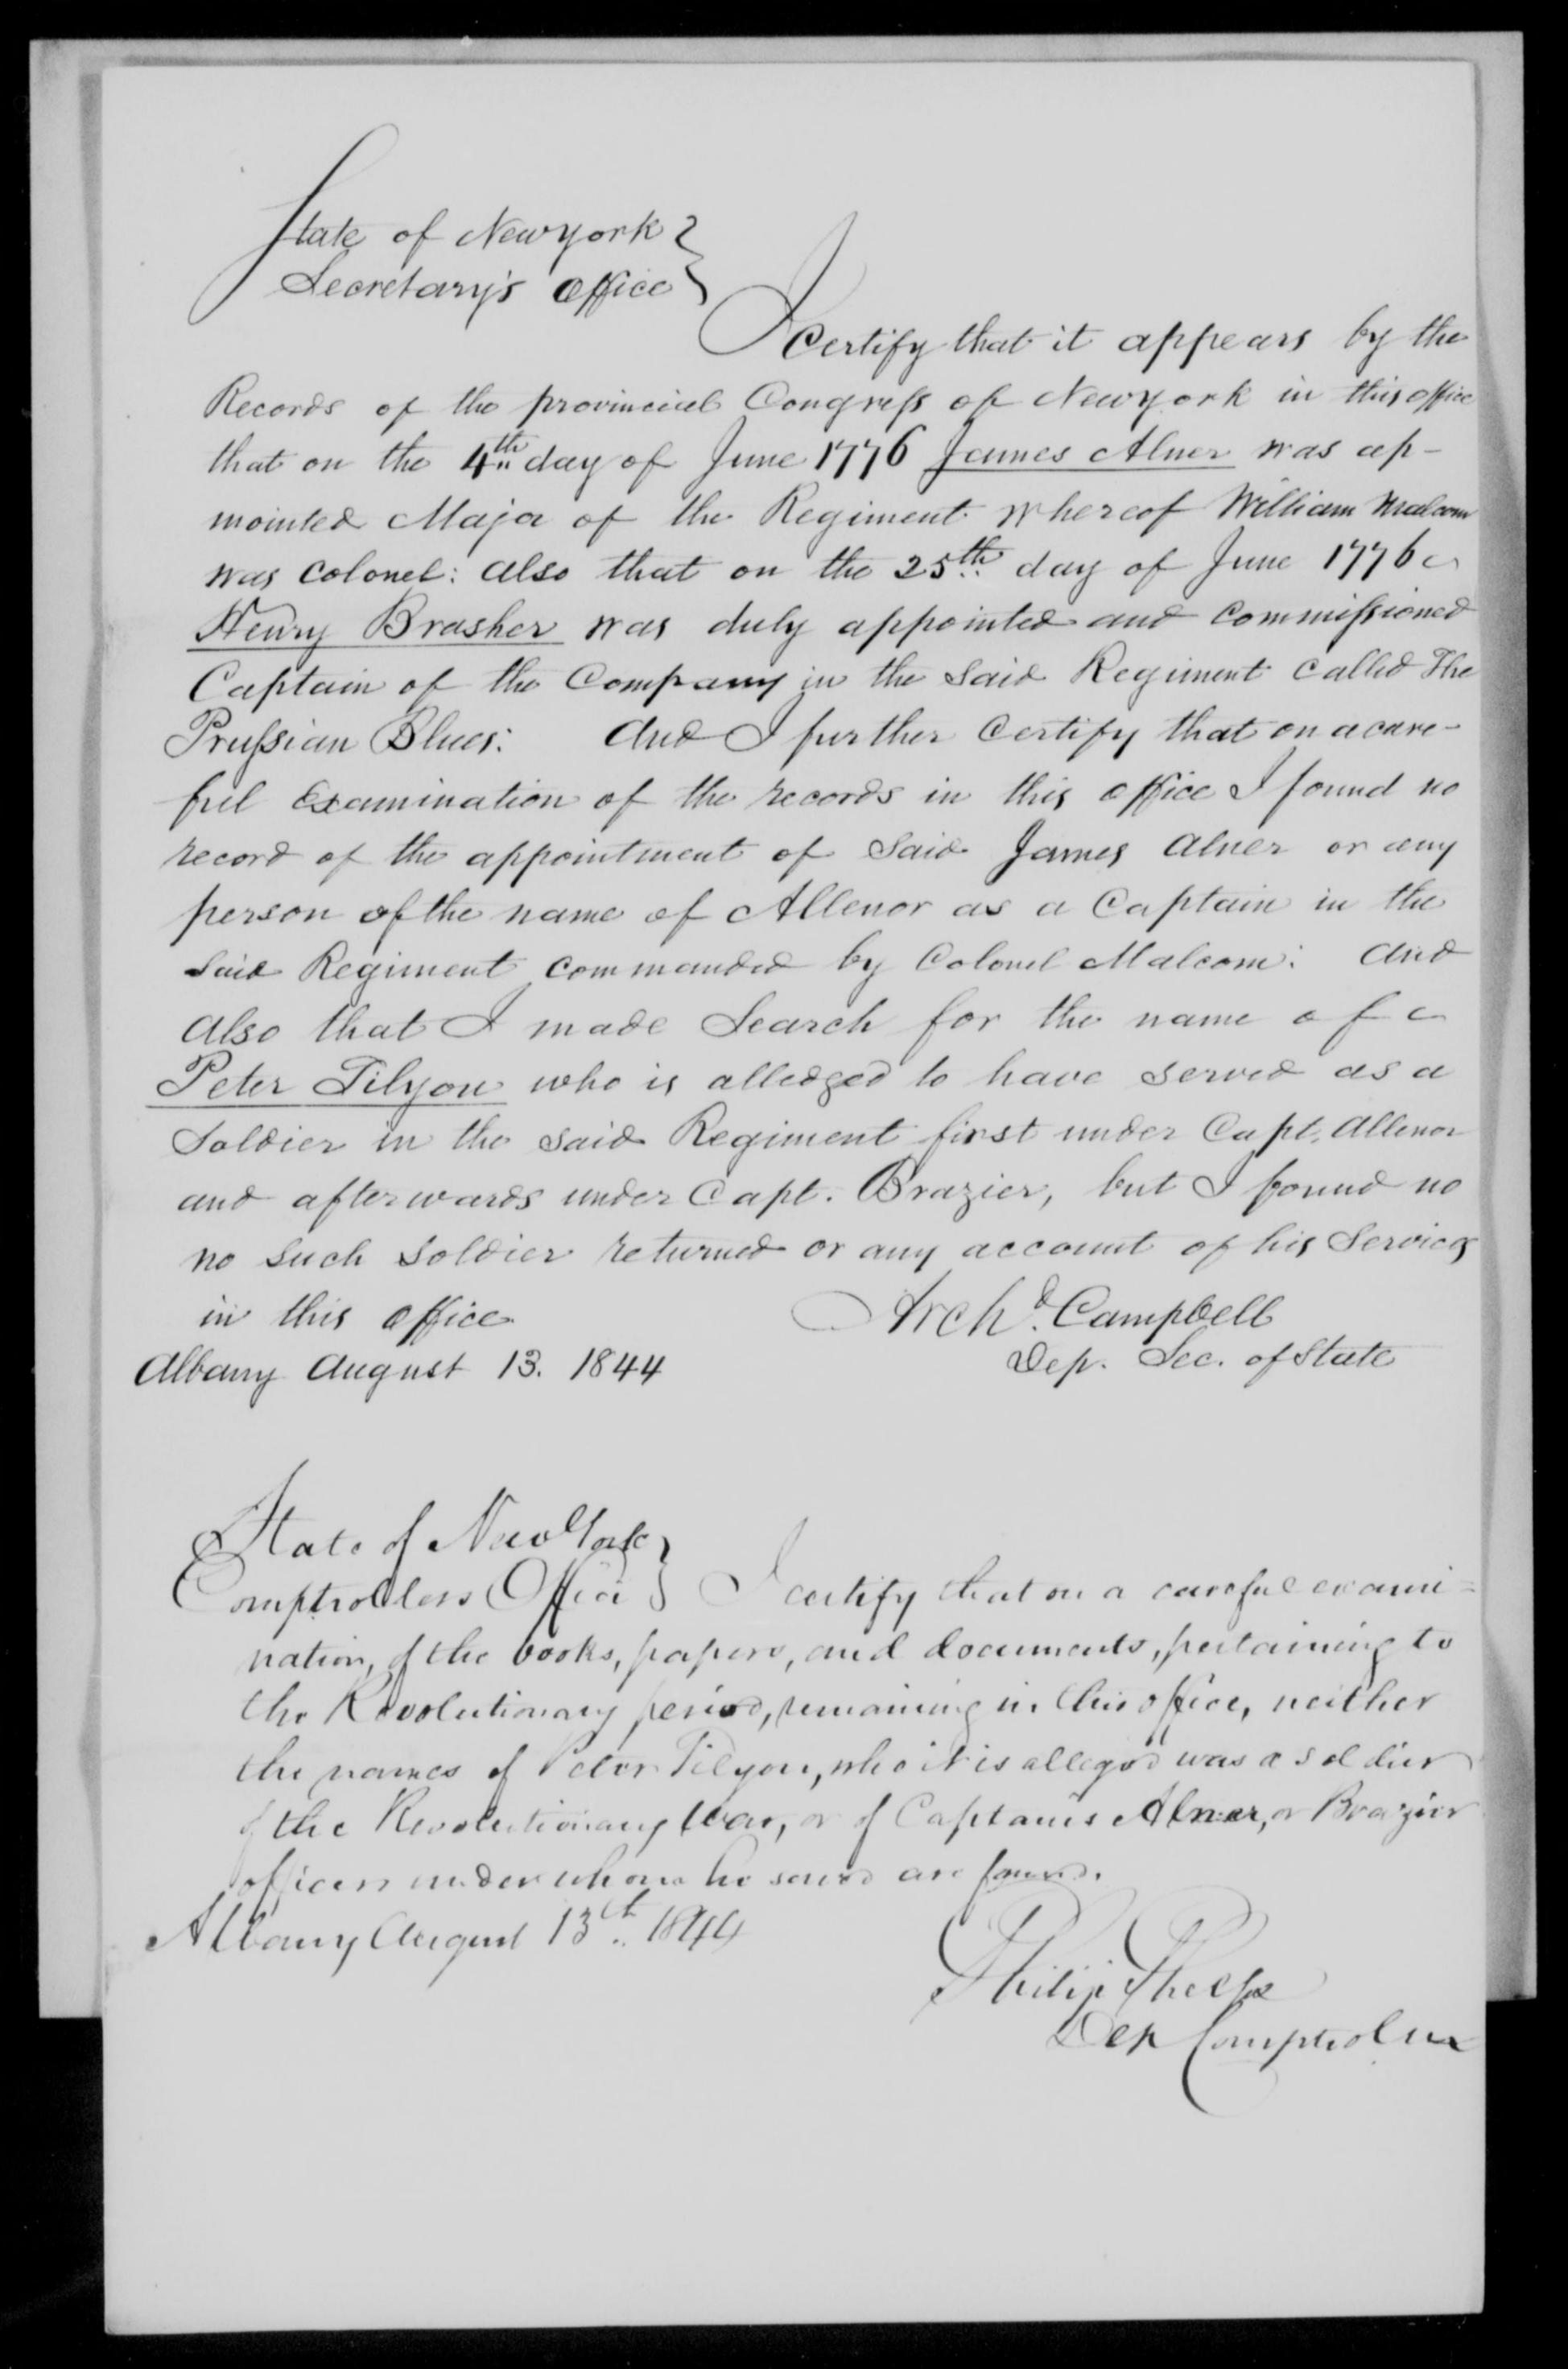State of New York
Secretary's Office }

I certify that it appears by the Records of the provincial Congress of New York in this office that on the 4th day of June 1776 James Alner was appointed Major of the Regiment whereof William Malcolm was Colonel: also that on the 25th day of June 1776 Henry Brasher was duly appointed and commissioned Captain of the Company in the said Regiment called The Prussian Blues: And I further certify that on a careful examination of the records in this office I found no record of the appointment of said James Alner or any person of the name of Allener as a Captain in the said Regiment commanded by Colonel Malcolm: And also that I made Search for the name of a Peter Tilyou who is alleged to have served as a soldier in the said Regiment first under Capt. Allener and afterwards under Capt.brazier, but I found no such soldier returned or any account of his service in this office.  
Albany August 13.1844     Arch. Campbell
                                          Dept. Sec. of  State

State of New York
Comptrollers Office}

I certify that on a careful examination of the books, papers and documents pertaining to the Revolutionary pension, remaining in this office, neither The names of Peter Tilyou, who it is alleged was a soldier of the Revolutionary War, or of Captain Alner, or Brazier officers under whom he served are found.
Albany August 13th 1844

Philip Phelps (sig)
Dept Comptroller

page: 77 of 101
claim: widow's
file: W. 25481, for Peter V Tilyou, New Jersey